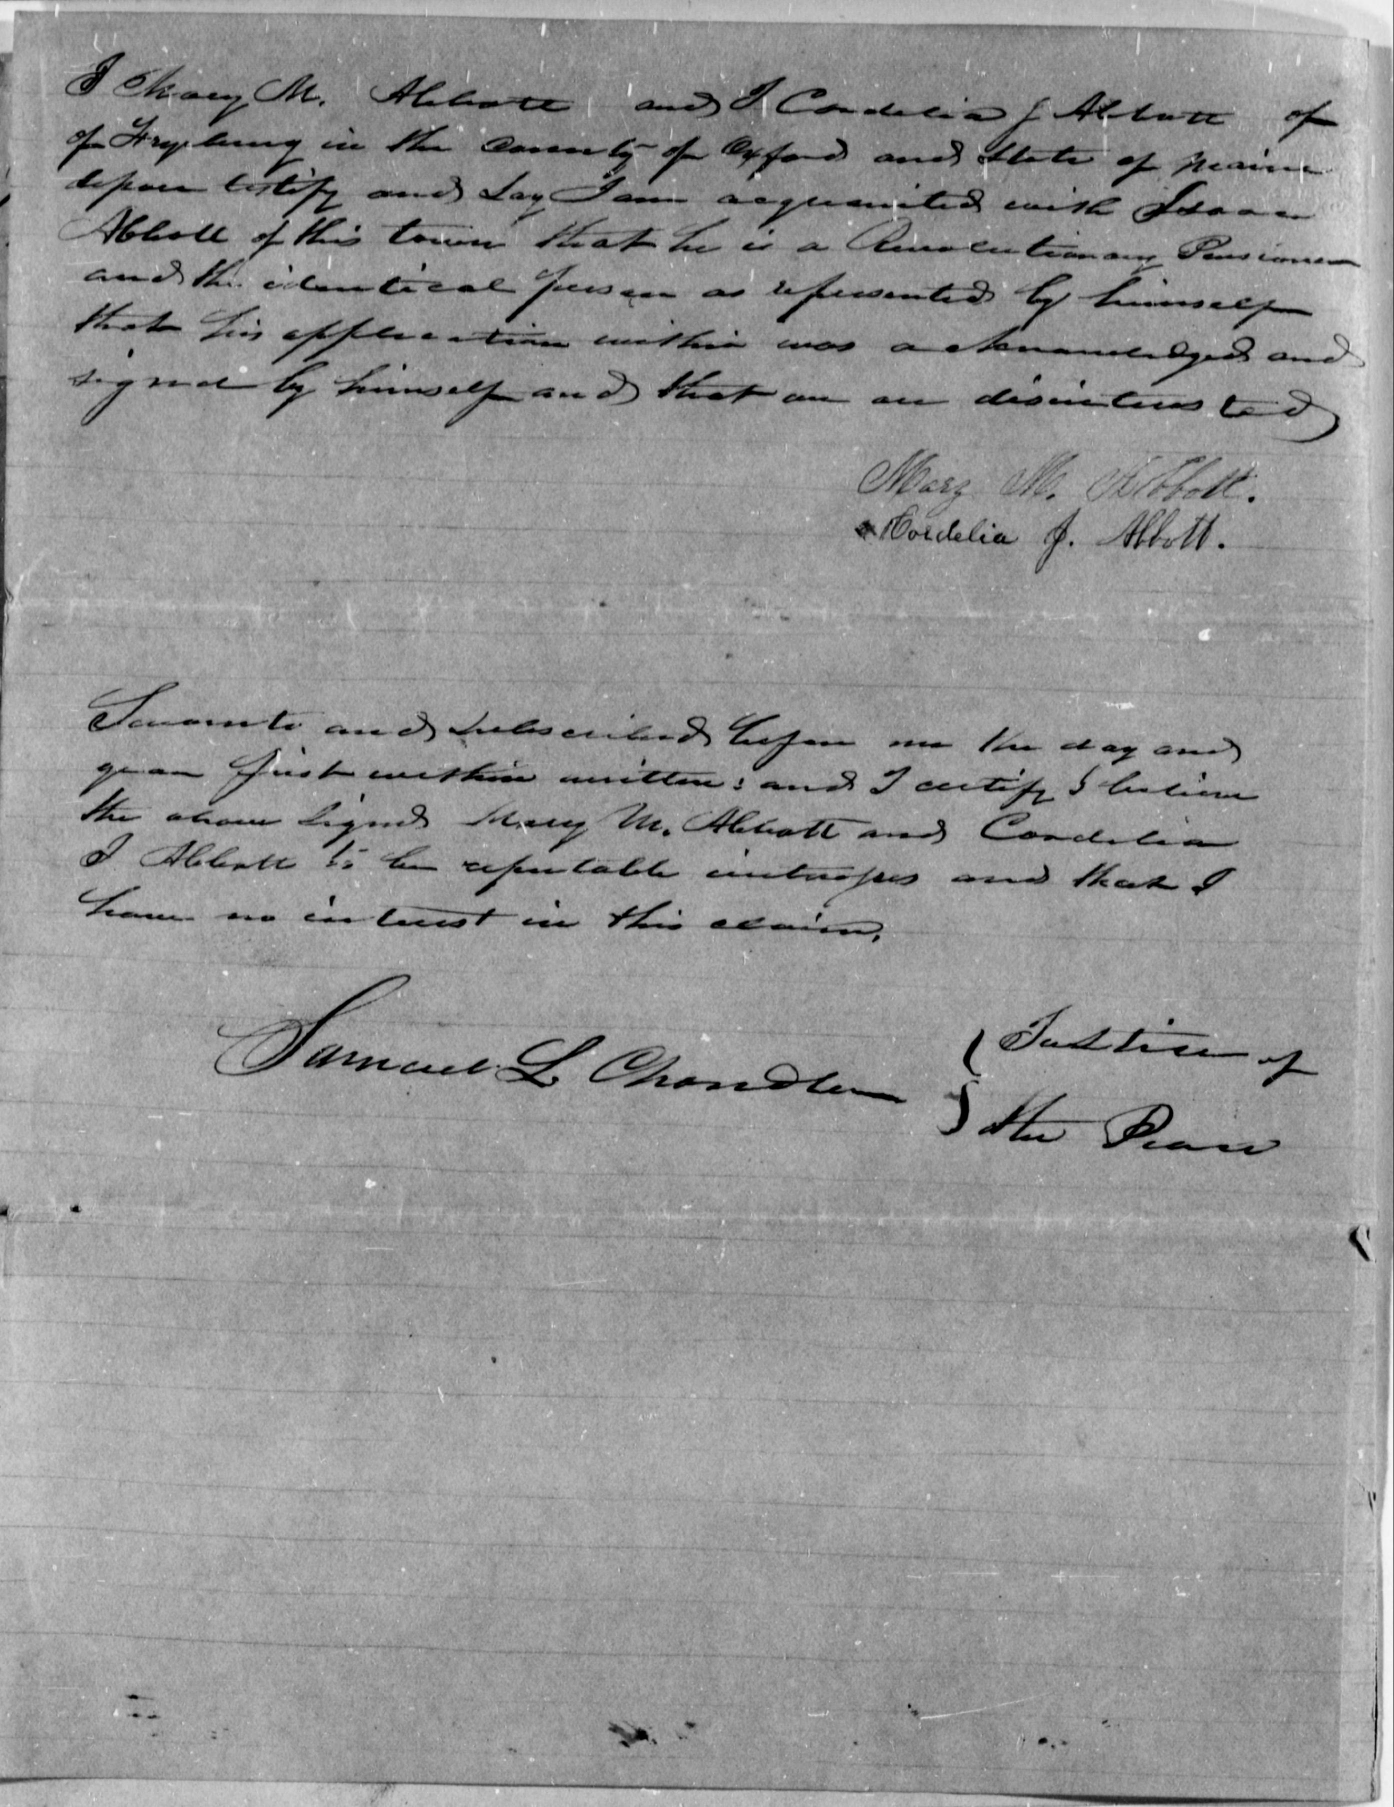I, Mary M. Abbott, and I, Cordelia J. Abbott of of Fryeburg in the County of Oxford and State of Maine depose, testify and say, I am acquainted with Isaac Abbott of this town, that he is a Revolutionary Pensioner and the identical person as represented by himself that his application within was acknowledged and signed by himself and that as disinterested.
[SIGNED: Mary M. Abbott]
[SIGNED: Cordelia J. Abbott]




Sworn to and subscribed before me the day and year first within written, and I certify I believe the above signed, Marry M. Abbott, and Cordelia J. Abbott, to be reputable witnesses and that I have no interest in the claim.

[Signed: Samuel L. Chandler]} Justice of the Peace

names: M Abbott, Mary M Abbott, Isaac Abbott, Mary M Abbott, Cordelia J Abbott, Cordelia J Abbott, Samuel L Chandler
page: 18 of 86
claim: survivor's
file: S 29,568, Isaac Abbot, Mass